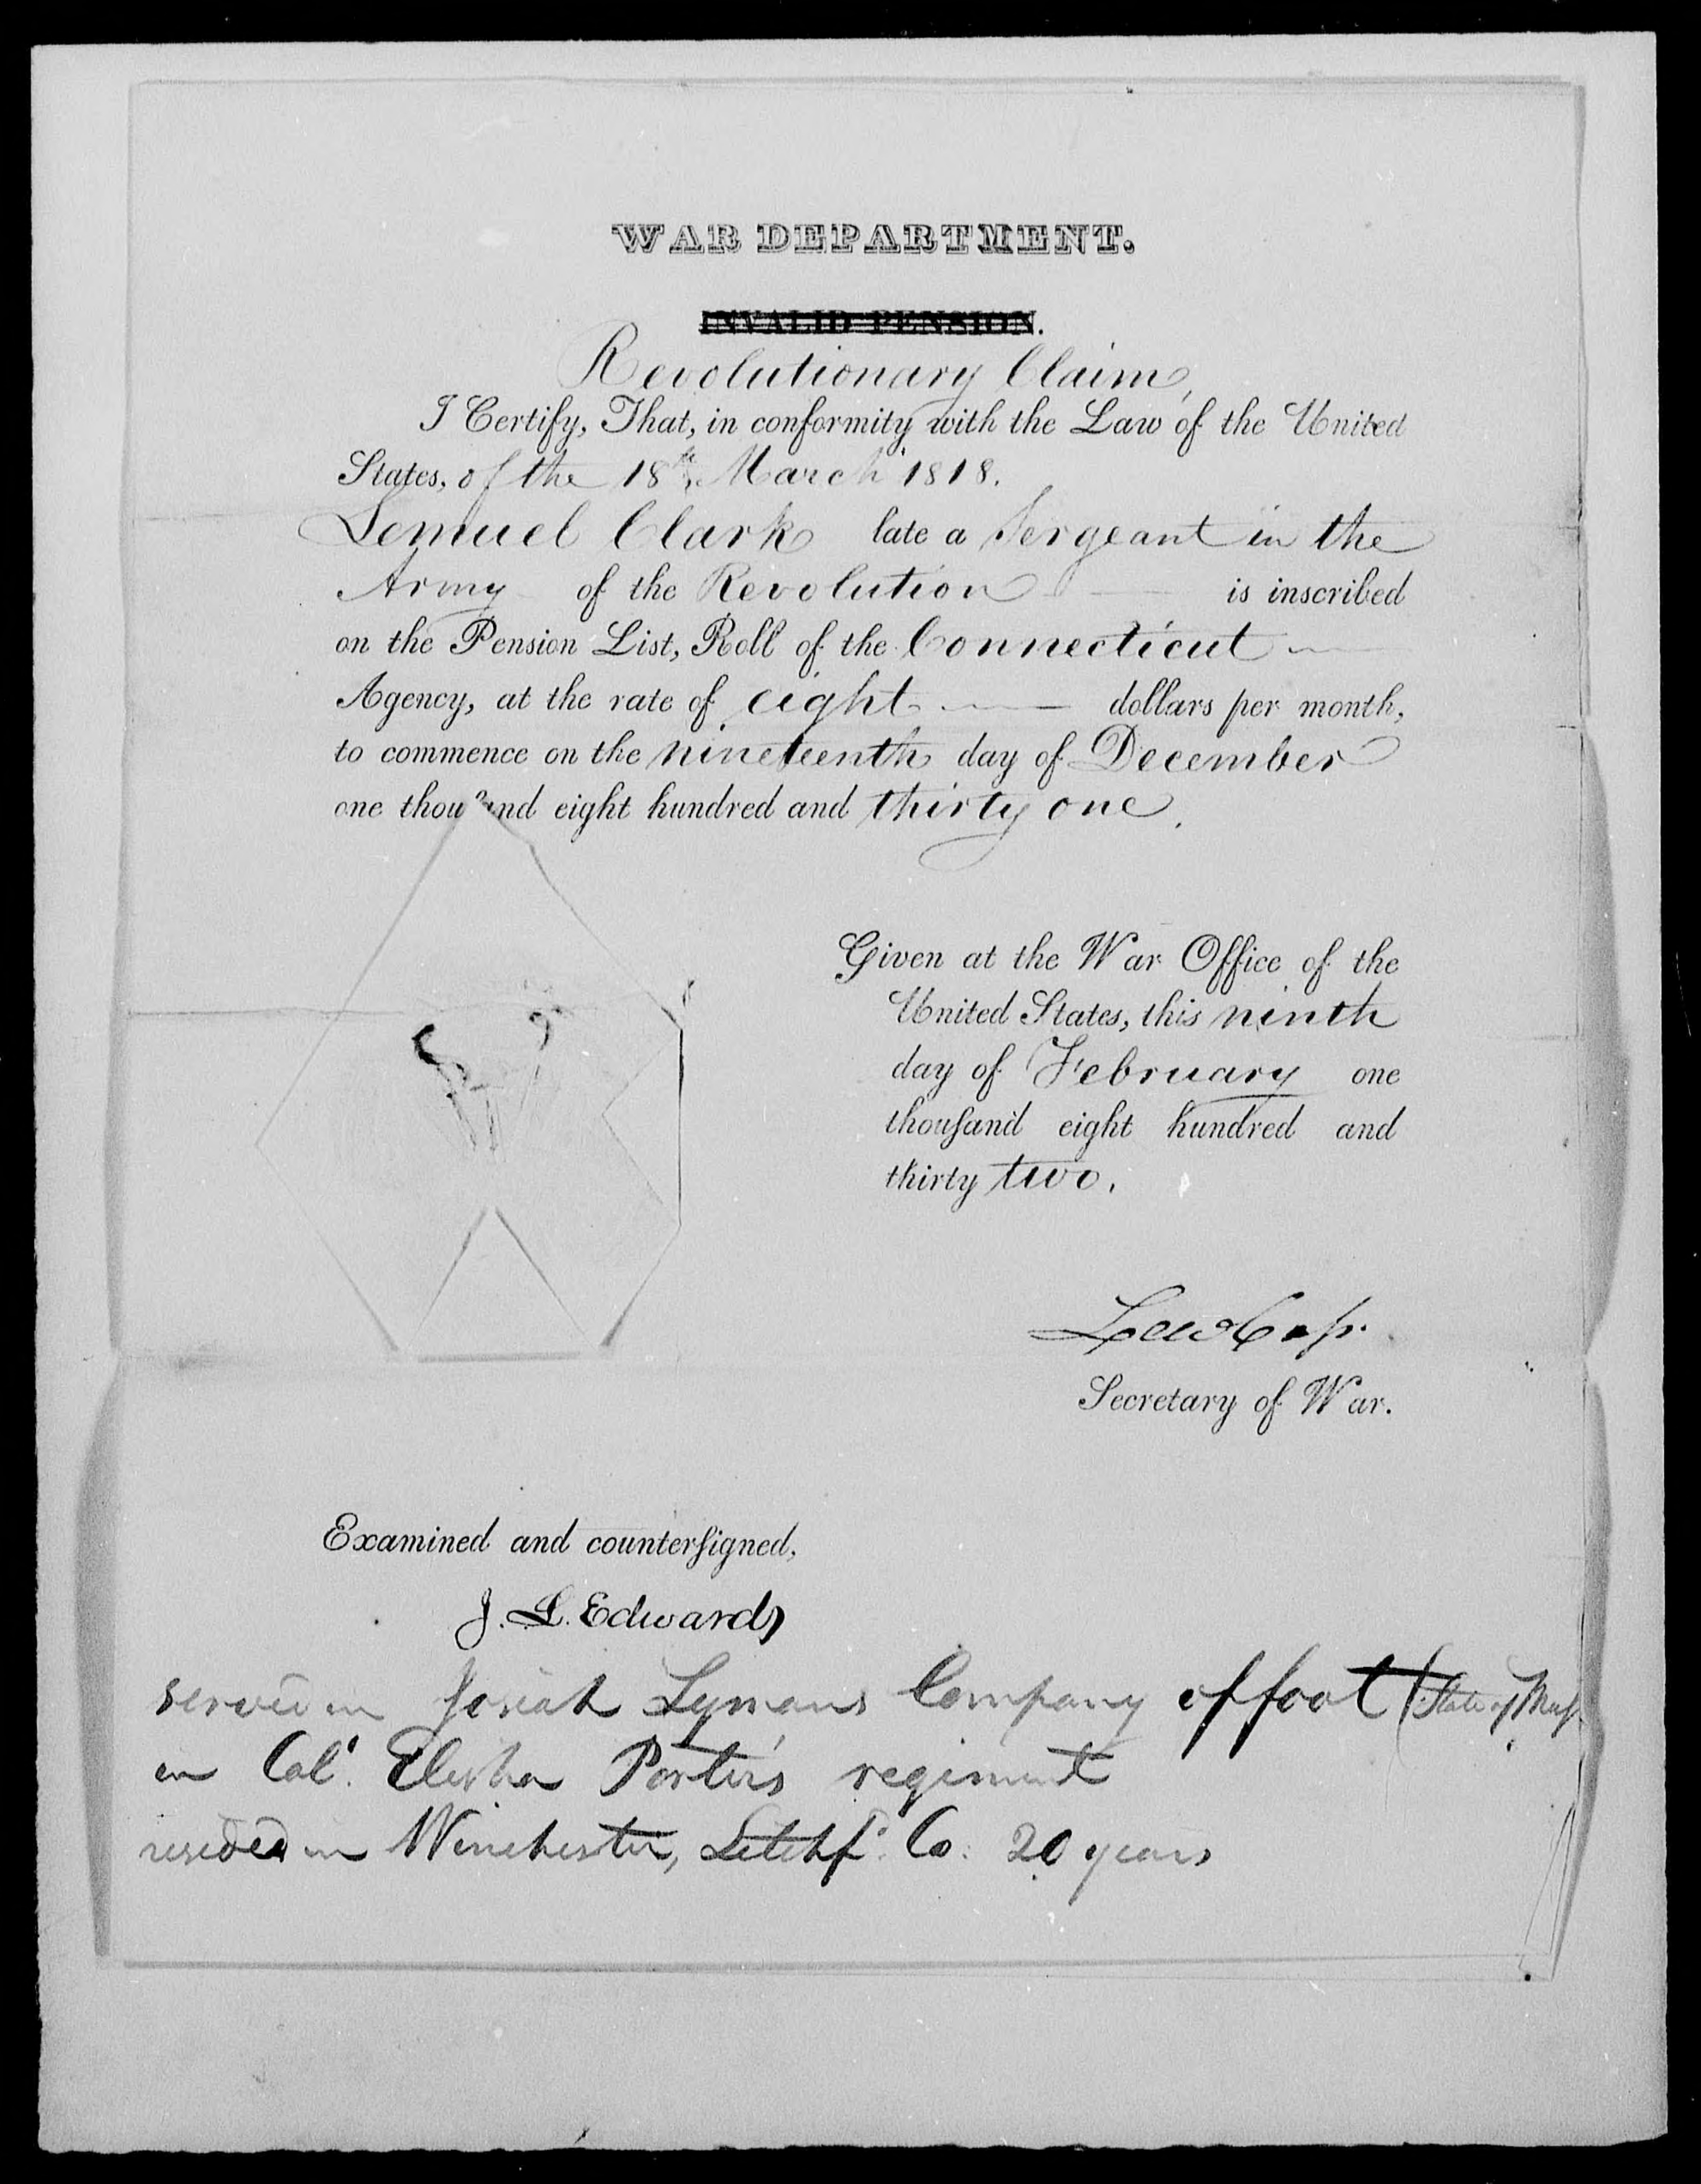WAR DEPARTMENT . 
Revolutionary Claim 
I Certify, That, in conformity with the Law of the United States , of the 18th March 1818 Lemuel Clark late a Sergeant in the Army of the Revolution - - is inscribed on the Pension List, Roll of the Connecticut- Agency, at the rate of eight dollars per month to commence on the nineteenth day of December one thousand eight hundred and thirty one 

Given at the War Office of the United States, this ninth day of February one thousand eight hundre and thirty two 
Lew Cass Secretary of War 

Examined and countersigned, J.L. Edwards

Served in Josiah Lymans Company of foot (state of Mass0  Elisha Porter's regiment resided in Winchester, Litch Co. 20 years W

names: Lew Cass, Lemuel Clark, J L Edwards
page: 15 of 48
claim: survivor's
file: S. 17343, Lemuel Clarke, Mass.